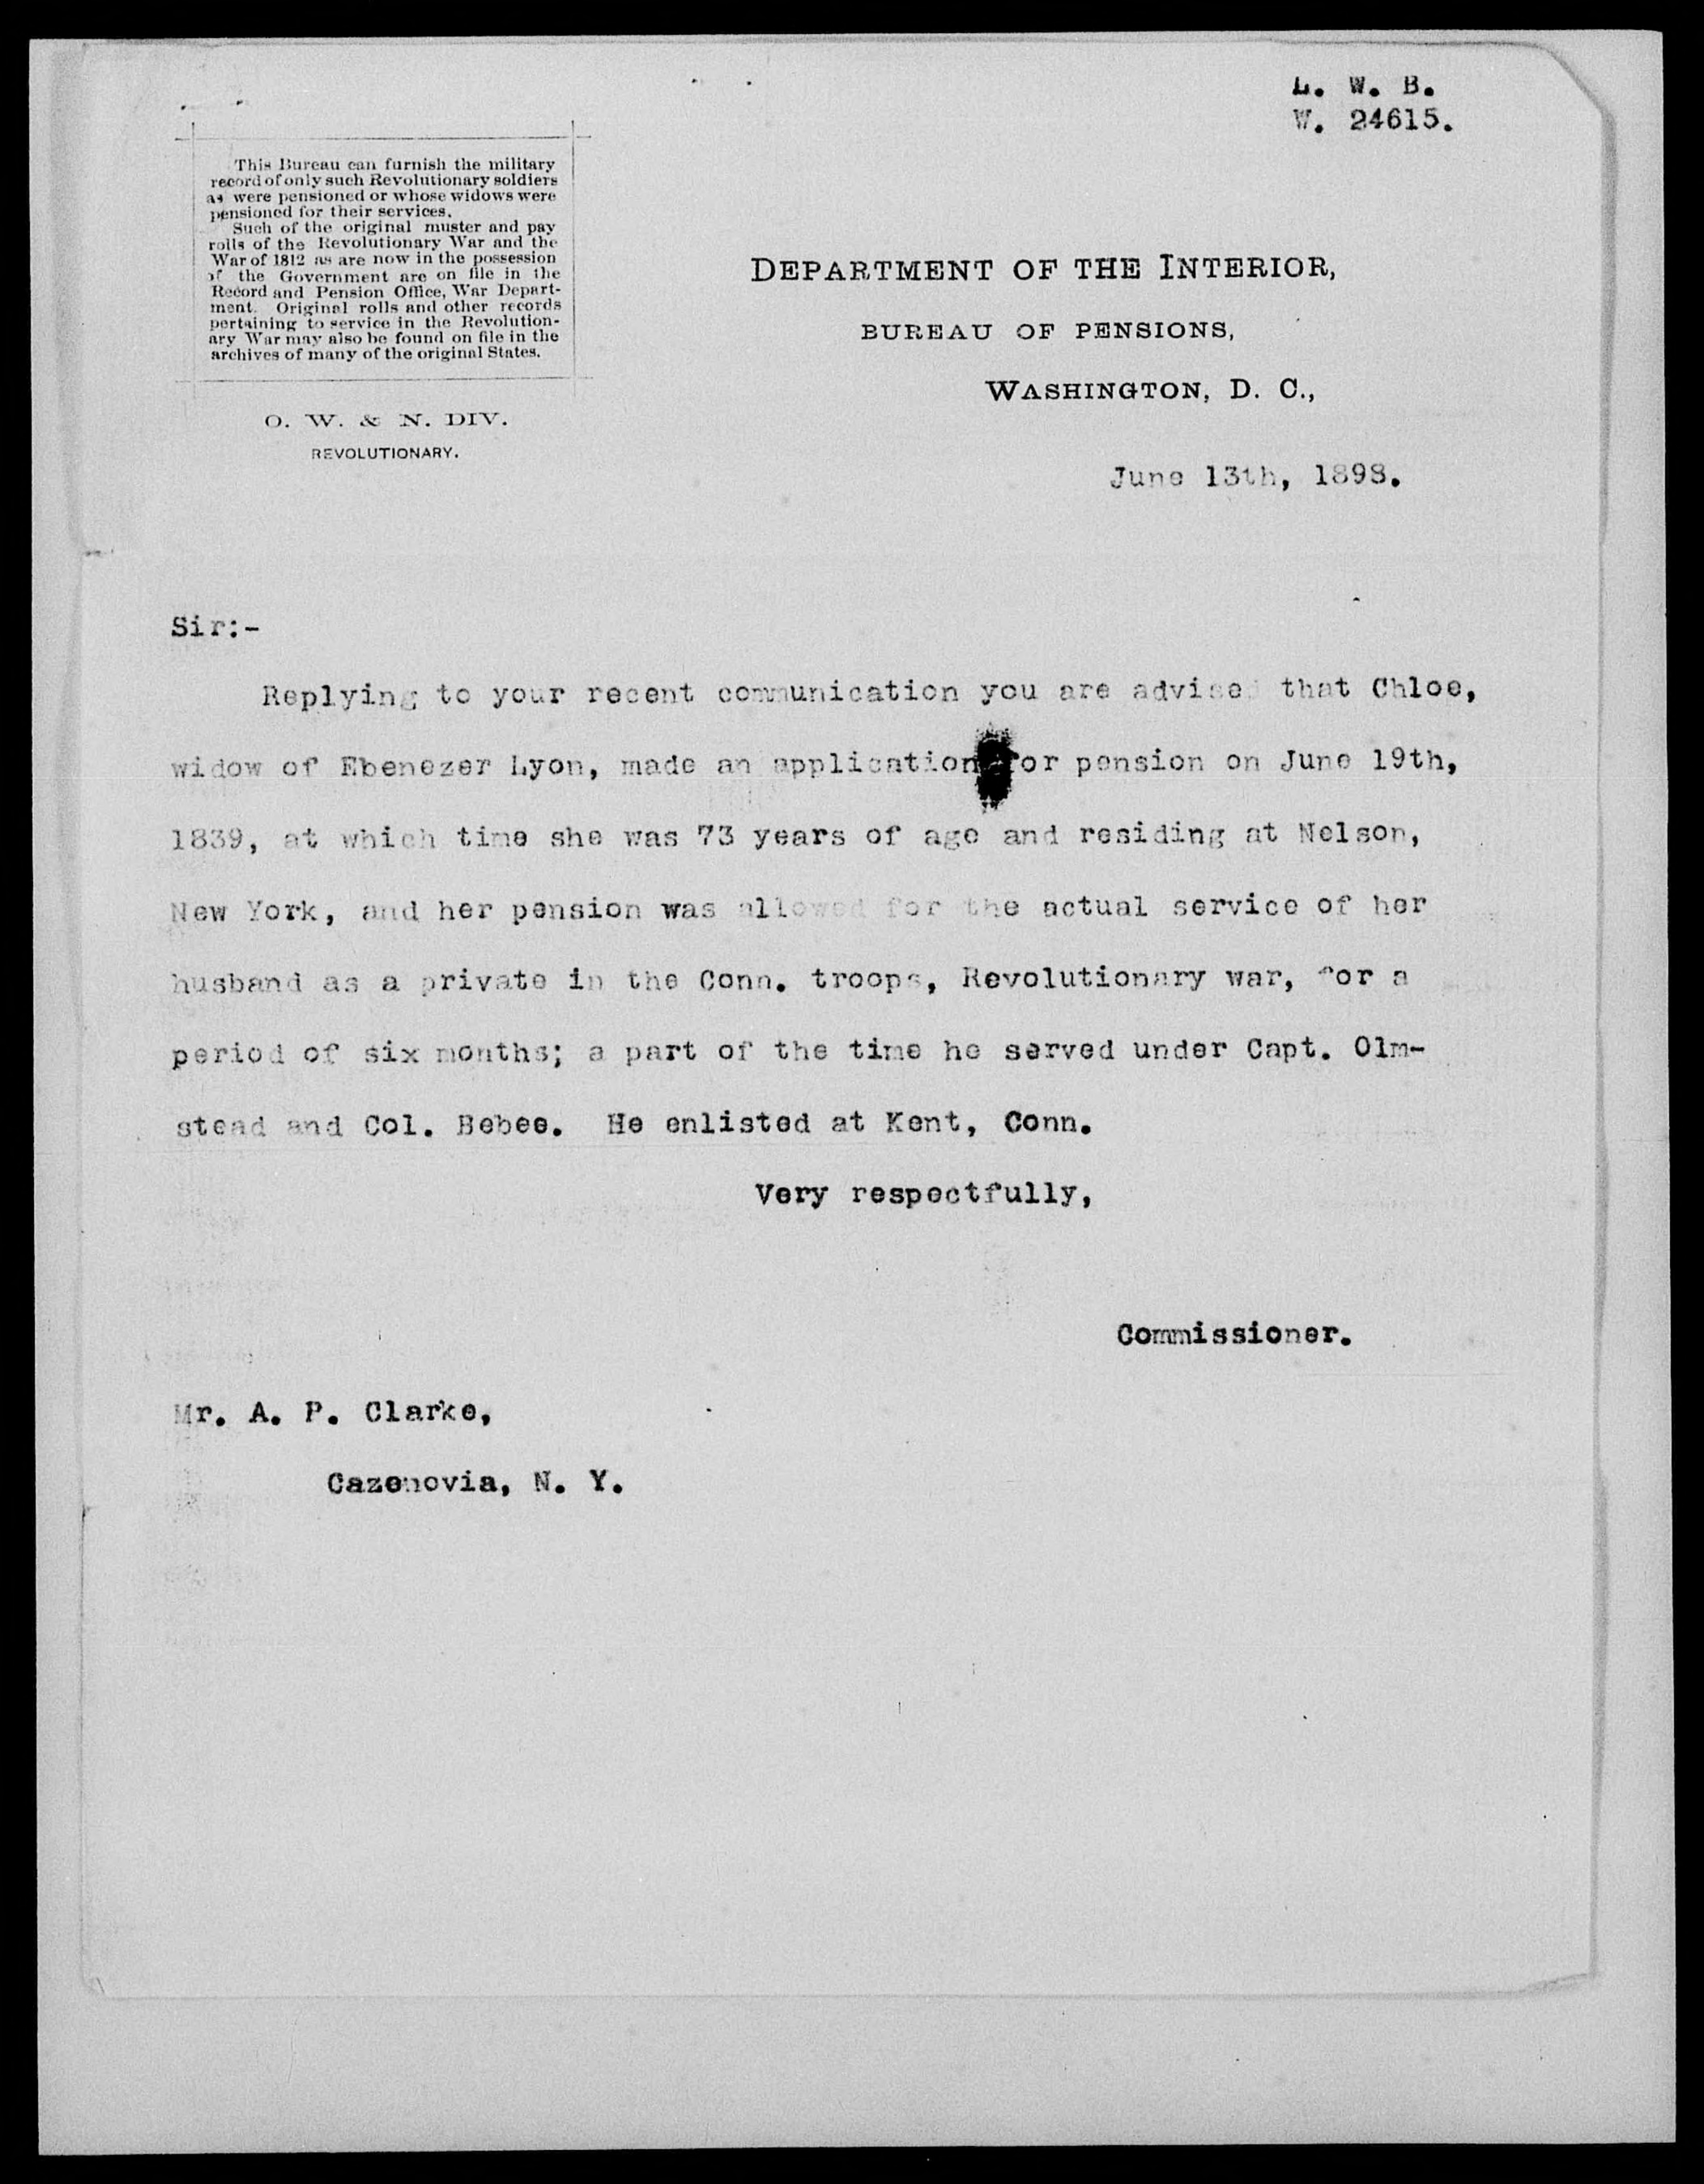L. W. B. 
W. 24615. 
DEPARTMENT OF THE INTERIOR, 
BUREAU OF PENSIONS, 
WASHINGTON, D. C., 
This Bureau can furnish the military record of only such Revolutionary soldiers as were pensioned or whose widows were pensioned for their services. 
Such of the original muster and pay rolls of the Revolutionary War and the War of 1812 as are now in the possession of the Government are on file in the Record and Pension Office, War Department. Original rolls and other records pertaining to service in the Revolutionary War may also be found on file in the archives of many of the original States. 
O. W. & N. DIV. 
REVOLUTIONARY. 
June 13th, 1898.
Sir:-
Replying to your recent communication you are advised that Chloe, widow of Ebenezer Lyon, made an application for pension on June 19th, 1839, at which time she was 73 years of age and residing at Nelson, New York, and her pension was allowed for the actual service of her husband as a private in the Conn. troops, Revolutionary war, for a period of six months; a part of the time he served under Capt. Olmstead and Col. Bebee. He enlisted at Kent, Conn.
Very respectfully,
Commissioner.

Mr. A. P. Clarke,
Cazenovia, N. Y.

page: 15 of 40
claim: widow's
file: W. 24,615, for Ebenezer Lyon, Connecticut